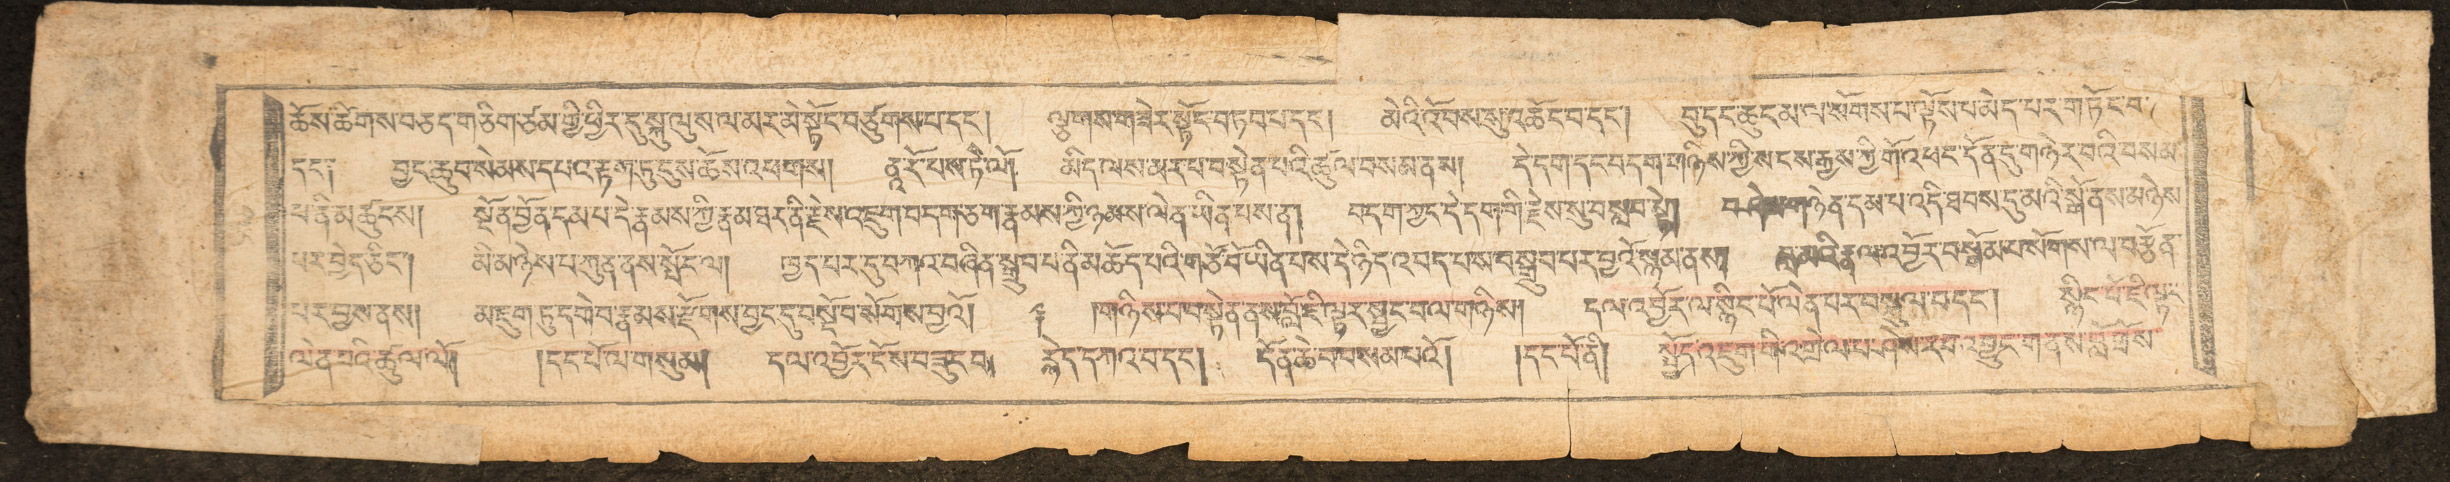ཆོས་ཚིགས་བཅད་གཅིག་ཙམ་གྱི་ཕྱིར་དུ་སྐུ་ལུས་ལ་མར་མེ་སྟོང་བཙུགས་པ་དང་། ལྕགས་གཟེར་སྟོང་བཏབ་པ་དང་། མེའི་འོབས་སུ་འཆོང་བ་དང་། བུ་དང་ཆུང་མ་ལ་སོགས་པ་ལྟོས་པ་མེད་པར་གཏོང་པ་
དང༑ བྱང་ཆུབ་སེམས་དཔའ་རྟག་ཏུ་དུས་ཆོས་འཕགས། ནཱ་རོ་པས་ཏཻ་ལོ། མིད་ལས་མར་པ་བསྟེན་པའི་ཚུལ་བསམ་ནས། དེ་དག་དང་བདག་གཉིས་ཀྱི་སངས་རྒྱས་ཀྱི་གོ་འཕང་དོན་དུ་གཉེར་བའི་བསམ་
པ་ནི་མཚུངས། སྔོན་བྱོན་དམ་པ་དེ་རྣམས་ཀྱི་རྣམ་ཐར་ནི་རྗེས་འཇུག་བདག་ཅག་རྣམས་ཀྱི་ཉམས་ལེན་ཡིན་པས་ན། བདག་ཀྱང་དེ་དག་གི་རྗེས་སུ་བསླབ་སྟེ། བཤེས་གཉེན་དམ་པ་འདི་ཐབས་དུ་མའི་སྒོ་ནས་མཉེས་
པར་བྱེད་ཅིང་། མི་མཉེས་པ་ཀུན་ནས་སྤོང་ལ། ཁྱད་པར་དུ་བཀའ་བཞིན་སྒྲུབ་པ་ནི་མཆོད་པའི་གཙོ་བོ་ཡིན་པས་དེ་ཉིད་འབད་པས་བསྒྲུབ་པར་བྱའོ་སྙམ་ནས། བླ་མའི་རྣལ་འབྱོར་བསྒོམ་པ་སོགས་ལ་བརྩོན་
པར་བྱས་ནས། མཇུག་ཏུ་དགེ་བ་རྣམས་རྫོགས་བྱང་དུ་བསྔོ་བ་སོགས་བྱའོ། ༈ །གཉིས་པ་བསྟེན་ནས་བློ་ཇི་ལྟར་སྦྱང་བ་ལ་གཉིས། དལ་འབྱོར་ལ་སྙིང་པོ་ལེན་པར་བསྐུལ་བ་དང་། སྙིང་པོ་ཇི་ལྟར་
ལེན་པའི་ཚུལ་ལོ། །དང་པོ་ལ་གསུམ། དལ་འབྱོར་ངོས་བཟུང་པ། རྙེད་དཀའ་བ་དང་། དོན་ཆེ་བ་བསམ་པའོ། །དང་པོ་ནི། སྤྱོད་འཇུག་གི་འགྲེལ་པ་ཤེས་རབ་འབྱུང་གནས་བློ་གྲོས་